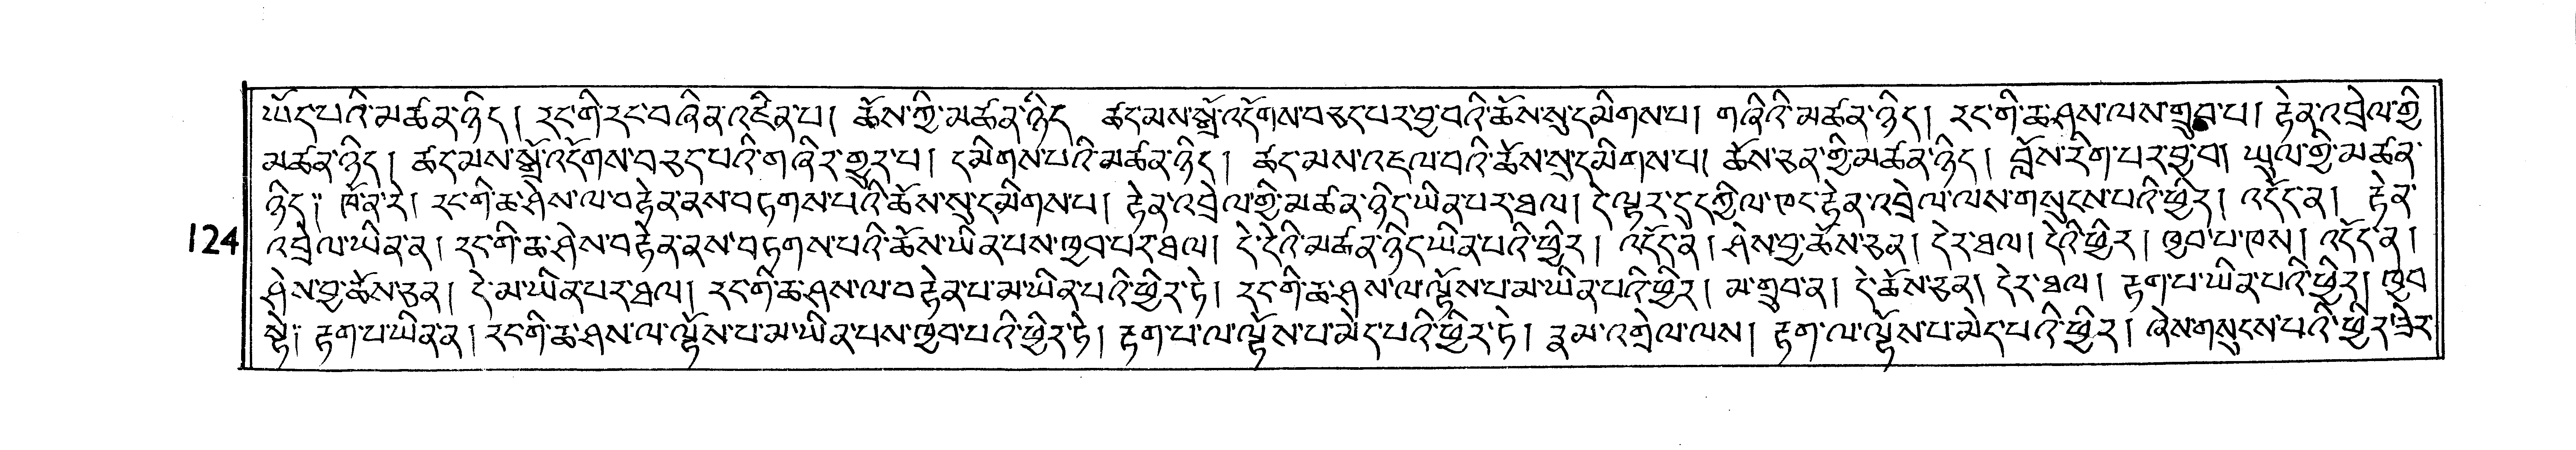ཡོད་པའི་མཚན་ཉིད། རང་གི་རང་བཞིན་འཛིན་པ། ཆོས་ཀྱི་མཚན་ཉིད་ཚད་མས་སྒྲོ་འདོགས་བཅད་པར་བྱ་བའི་ཆོས་སུ་དམིགས་པ། གཞིའི་མཚན་ཉིད། རང་གི་ཆ་ཤས་ལས་གྲུབ་པ། རྟེན་འབྲེལ་གྱི་
མཚན་ཉིད། ཚད་མས་སྒྲོ་འདོགས་བཅད་པའི་གཞིར་གྱུར་པ། དམིགས་པའི་མཚན་ཉིད། ཚད་མས་འཇལ་བའི་ཆོས་སྲ་དམིགས་པ། ཆོས་ཅན་གྱི་མཚན་ཉིད། བློས་རིག་པར་བྱ་བ། ཡུལ་གྱི་མཚན་
ཉིད༑ ཁོ་ན་རེ། རང་གི་ཆ་ཤེས་ལ་བརྟེན་ནས་བཏགས་པའི་ཆོས་སུ་དམིགས་པ། རྟེན་འབྲེལ་གྱི་མཚན་ཉིད་ཡིན་པར་ཐལ། དེ་ལྟར་དུ་དཀྱིལ་ཁང་རྟེན་འབྲེལ་ལས་གསུངས་པའི་ཕྱིར། འདོད་ན། རྟེན་
འབྲེལ་ཡིན་ན། རང་གི་ཆ་ཤེས་བརྟེན་ནས་བཏགས་པའི་ཆོས་ཡིན་པས་ཁྱབ་པར་ཐལ། དེ་དེའི་མཚན་ཉིད་ཡིན་པའི་ཕྱིར། འདོད་ན། ཤེས་བྱ་ཆོས་ཅན། དེར་ཐལ། དེའི་ཕྱིར། ཁྱབ་པ་ཁས། འདོད་ན།
ཤེས་བྱ་ཆོས་ཅན། དེ་མ་ཡིན་པར་ཐལ། རང་གི་ཆ་ཤས་ལ་བརྟེན་པ་མ་ཡིན་པའི་ཕྱིར་ཏེ། རང་གི་ཆ་ཤས་ལ་ལྟོས་པ་མ་ཡིན་པའི་ཕྱིར། མ་གྲུབ་ན། དེ་ཆོས་ཅན། དེར་ཐལ། རྟག་པ་ཡིན་པའི་ཕྱིར། ཁྱབ་
སྟེ༑ རྟག་པ་ཡིན་ན། རང་གི་ཆ་ཤས་ལ་ལྟོས་པ་མ་ཡིན་པས་ཁྱབ་པའི་ཕྱིར་ཏེ། རྟག་པ་ལ་ལྟོས་པ་མེད་པའི་ཕྱིར་ཏེ། རྣམ་འགྲེལ་ལས། རྟག་ལ་ལྟོས་པ་མེད་པའི་ཕྱིར། ཞེས་གསུངས་པའི་ཕྱིར་ཟེར་